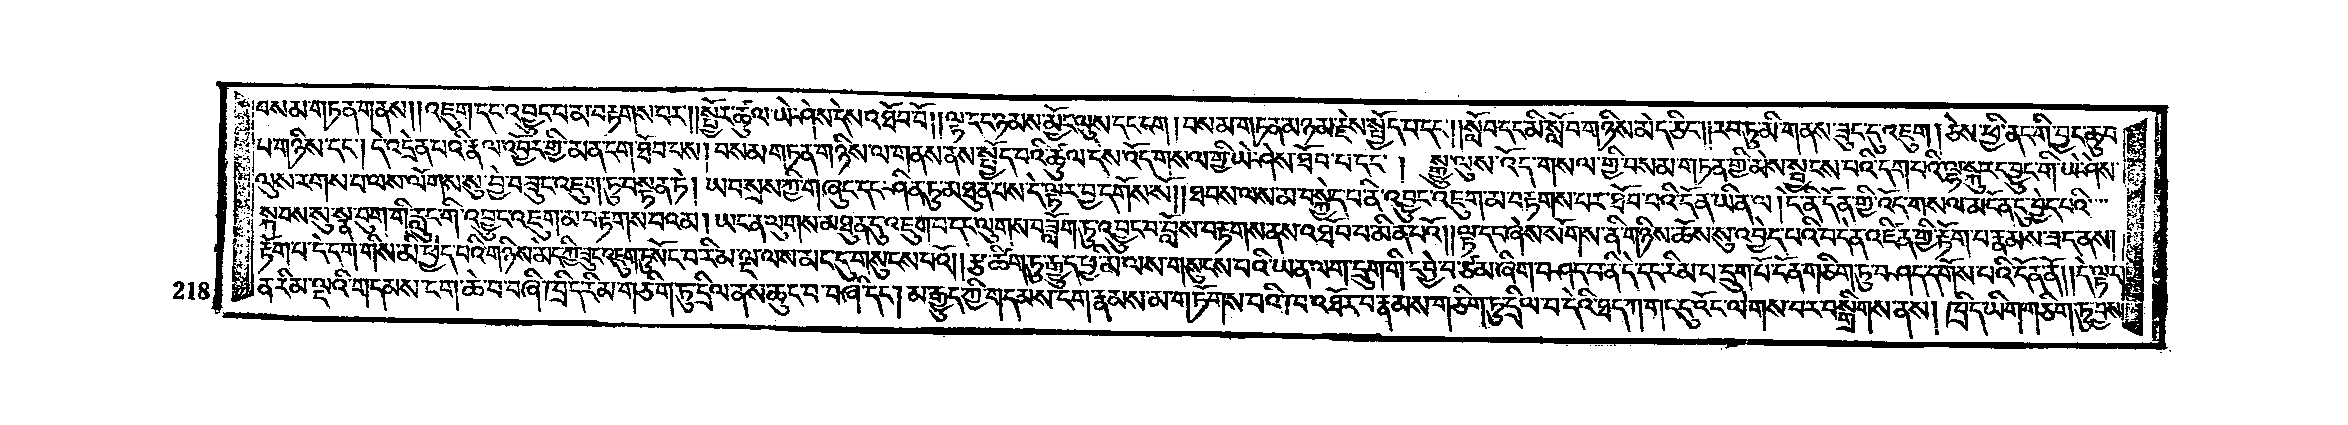བསམ་གཏན་གནས། །འཇུག་དང་འབྱུང་བ་མ་བརྟགས་པར། །སྦྱོར་ཚུལ་ཡི་ཤེས་དེས་འཐོབ་བོ། །ལྟ་དང་ཉམས་མྱོང་ལུས་དང་ངག། བསམ་གཏན་མཉམ་རྗེས་སྤྱོད་པ་དང་། །སློབ་དང་མི་སློབ་གཉིས་མེད་ཅིང་། །རབ་ཏུ་མི་གནས་ཟུང་དུ་འཇུག །ཅེས་ཕྱི་ནང་གི་བྱང་ཆུབ་
པ་གཉིས་དང་། དེ་འདྲེན་པའི་རྣལ་འབྱོར་གྱི་མན་ངག་ཐོབ་པས། བསམ་གཏན་གཉིས་ལ་གནས་ནས་སྤྱོད་པའི་ཚུལ་དེས་འོད་གསལ་གྱི་ཡེ་ཤེས་ཐོབ་པ་དང་། སྒྱུ་ལུས་འོད་གསལ་གྱི་བསམ་གཏན་གྱི་མེས་སྦྱངས་པའི་དག་པའི་ལྷ་སྐུ་རང་བྱུང་གི་ཡེ་ཤེས་
ལུས་རགས་པ་ལས་ལོགས་སུ་བྱེ་བ་ཟུང་འཇུག་ཏུ་བསྟན་ཏེ། ཡབ་སྲས་ཀྱི་གཞུང་དང་ཤིན་ཏུ་མཐུན་པས་དེ་ལྟར་བྱ་དགོས་སོ། །ཐབས་ལས་མ་བསྐྱེད་པ་ནི་འབྱུང་འཇུག་མ་བརྟགས་པར་ཐོབ་པའི་དོན་ཡིན་ལ། དེ་ནི་དོན་གྱི་འོད་གསལ་མངོན་དུ་བྱེད་པའི་
སྐབས་སུ་སྣ་བུག་གི་རླུང་གི་འབྱུང་འཇུག་མ་བརྟགས་པའམ། ཡང་ན་ལུགས་མཐུན་དུ་འཇུག་པ་དང་ལུགས་བཟློག་ཏུ་འབྱུང་བ་བློས་བརྟགས་ནས་འཐོབ་པ་མིན་པའོ། །ལྟ་དང་ཞེས་སོགས་ནི་གཉིས་ཆོས་སུ་འབྱེད་པའི་བདེན་འཛིན་གྱི་རྟོག་པ་རྣམས་ཟད་ནས།
རྟོག་པ་དེ་དག་གིས་མི་ཕྱེད་པའི་གཉིས་མེད་ཀྱི་ཟུང་འཇུག་ཏུ་སོང་བ་རིམ་ལྔ་ལས་མང་དུ་གསུངས་པའོ། །རྩ་ཚིག་ཏུ་རྒྱུད་ཕྱི་མ་ལས་གསུངས་པའི་ཡན་ལག་དྲུག་གི་དབྱེ་བ་ཙམ་ཞིག་བཤད་པ་ནི་དེ་དང་རིམ་པ་དྲུག་པོ་དོན་གཅིག་ཏུ་བཤད་དགོས་པའི་དོན་ནོ། །དེ་ལྟར་
ན་རིམ་ལྔའི་གདམས་ངག་ཆེ་བ་བཞི་ཁྲིད་རིམ་གཅིག་ཏུ་དྲིལ་ནས་ཆུང་བ་བཞི་དང་། མ་རྒྱུད་ཀྱི་གདམས་ངག་རྣམས་མ་གཏོགས་པའི་ཁ་འཐོར་བ་རྣམས་གཅིག་ཏུ་དྲིལ་བ་དེའི་ཐད་ཀ་གང་དུ་འོང་ལེགས་པར་བསྒྲིགས་ནས། ཁྲིད་ཡིག་གཅིག་ཏུ་བྱས་